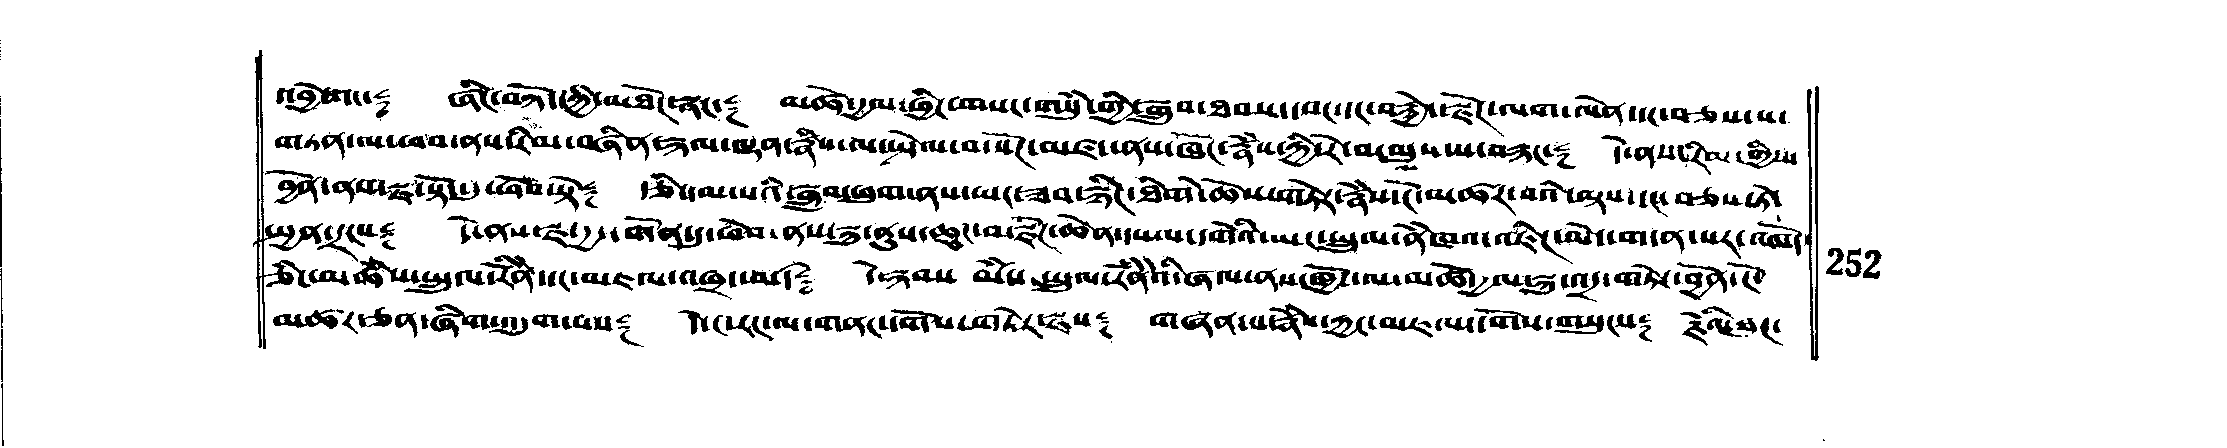འབྱེད་དང་། ཞིང་བཀོད་ཀྱི་མཐོང་སྣང་། མཚོ་རྒྱལ་ཕྱི་ནང་གསང་གསུམ་གྱི་སྒྲུབ་ཐབས་དབང་དང་བསྐྱེད་རྫོགས་ལག་ལེན་དང་བཅས་པ་
གཏན་ལ་ཕབ་ནས་རིམ་བཞིན་སྐལ་ལྡན་རྣམས་ལ་སྤེལ་བ་སོགས་མཛད་ནས་ཁོང་རྣམས་ཀྱི་རེ་བ་མ་ལུས་པ་བསྐང་། དེ་ནས་རིམ་གྱིས་
བྱོན་ནས་རྫ་སྟོད་དུ་ཕེབས་ཏེ། རྩི་དམ་པའི་སྒྲུབ་ཕུག་ནས་ཡང་ཟབ་སྙིང་ཐིག་གི་ཆོས་གཏེར་རྣམས་ངོ་མཚར་བའི་ལྟས་དང་བཅས་ཏེ་
སྤྱན་དྲངས།དེ་ནས་རྫ་རྒྱ་དགོན་དུ་ཕེབས་ནས་སྐུ་ནུས་ཆུང་བ་རྫོགས་ཆེན་དཔལ་དགེའི་ཡང་སྤྲུལ་ནམ་མཁའ་འཇིགས་མེད་གདན་སར་འཁོར་
ཅིང་མཚམས་སྤྲུལ་རིན་པོ་ཆེ་དང་མཇལ་འཕྲད་མཛད། དེ་སྐབས་མཚམས་སྤྲུལ་རིན་པོ་ཆེའི་ཞལ་ནས་ཁྱོད་ལ་མཚོ་རྒྱལ་སྐུ་འདྲ་གཏེར་བྱོན་ངོ་
མཚར་ཅན་ཞིག་འདུག་པས། དེ་ང་རང་ལ་གནང་དགོས། གཏེར་རྫས་གཞན་པ་རྣམས་ཀྱང་མཇལ་དགོས་གསུངས། རྗེའི་ཐུགས་